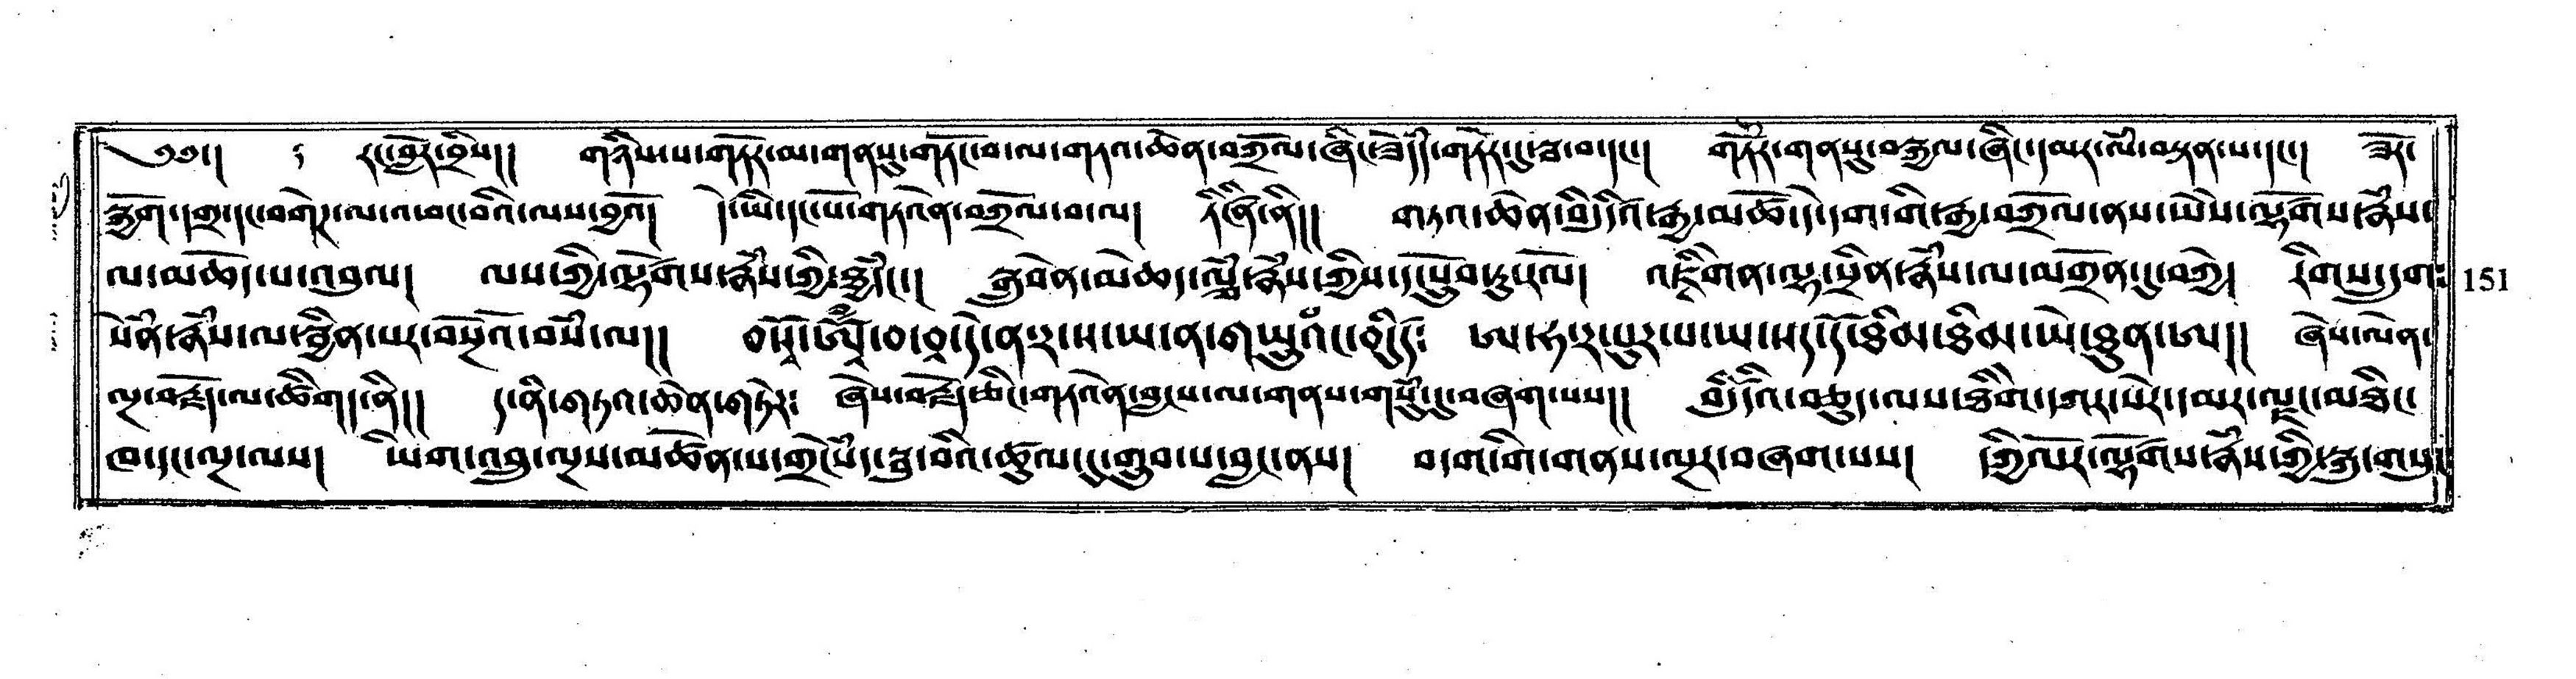རང་བློར་བྲིས།། གཉིས་པ་གཏོར་མ་གནས་སུ་གཏོང་བ་ལ་གཏའ་ཆེན་བཀྲོལ་ཞིང་ཟད་མེད་གཏེར་དུ་སྦ་བ་དང་། གཏོར་མ་གནས་སུ་བསྐྱལ་ཞིང་དམར་ལམ་བསྟན་པ་དང་། ཟོར་
སྐྱོག་དགྲ་དང་བགེགས་ལ་འཕང་བའི་ལས་བྱའོ། དེ་ཡི་དང་པོ་གཏའ་ཆེན་བཀྲོལ་བ་ལ། ཏིང་འཛིན་ནི།། གཏའ་ཆེན་བདུད་རྩིའི་རྒྱ་མཚོ་དེ་དག་གི་རྒྱ་བཀྲོལ་ནས་ཡེ་ཤེས་ལྷ་ཚོགས་རྣམས་
ལ་མཆོད་པ་འབུལ། ལས་ཀྱི་ལྷ་ཚོགས་རྣམས་ཀྱི་ཐུགས་དམ་བསྐང་། སྒྲུབ་གཤེན་མཆེད་ལྕམ་རྣམས་ཀྱིས་དངོས་གྲུབ་ཏུ་རོལ། འཇིག་རྟེན་ལྷ་སྲིན་རྣམས་ལ་མགྲོན་དུ་བཀྱེ། རིགས་དྲུག་
སེམས་ཅན་རྣམས་ལ་སྦྱིན་པར་བསྔོའོ་བསམ་ལ།། བསྭོ་ཨཱོཾ་བ་བཱ་དེ་ན་ར་ས་ཡ་ན་གཡུ་འབྲང་བདུད་རྩི༴ ཨ་ཧ་ར་པུར་པ་ཡ་སད་དོ་ཐིམ་ཐིམ་ཡེ་ཐུན་ཨ།། ཞེས་ལེན་
ལྔ་བརྗོད་ལ་ཚིག་བཤད་ནི།། ད་ནི་གཏའ་ཆེན་གཏེར༴ ཞེས་བརྗོད་ཅིང་གཏའ་ཆེན་བླངས་ལ་གནས་གསུམ་དུ་བཞག་པས།། བདུད་རྩིའི་བཅུད་ལས་ཐིག་ལེ་དཀར་སེར་དམར་ལྗང་མཐིང་
ཁ་དང་ལྔ་ལས། ཡིག་འབྲུ་ལྔས་མཚོན་པ་གྲངས་མེད་སྦུ་བའི་ཚུལ་དུ་གྲུབ་པ་བླང་ནས། བདག་གི་གནས་ལྔར་བཞག་པས། དཀྱིལ་འཁོར་ལྷ་ཚོགས་རྣམས་ཀྱི་སྐུ་གསུང་